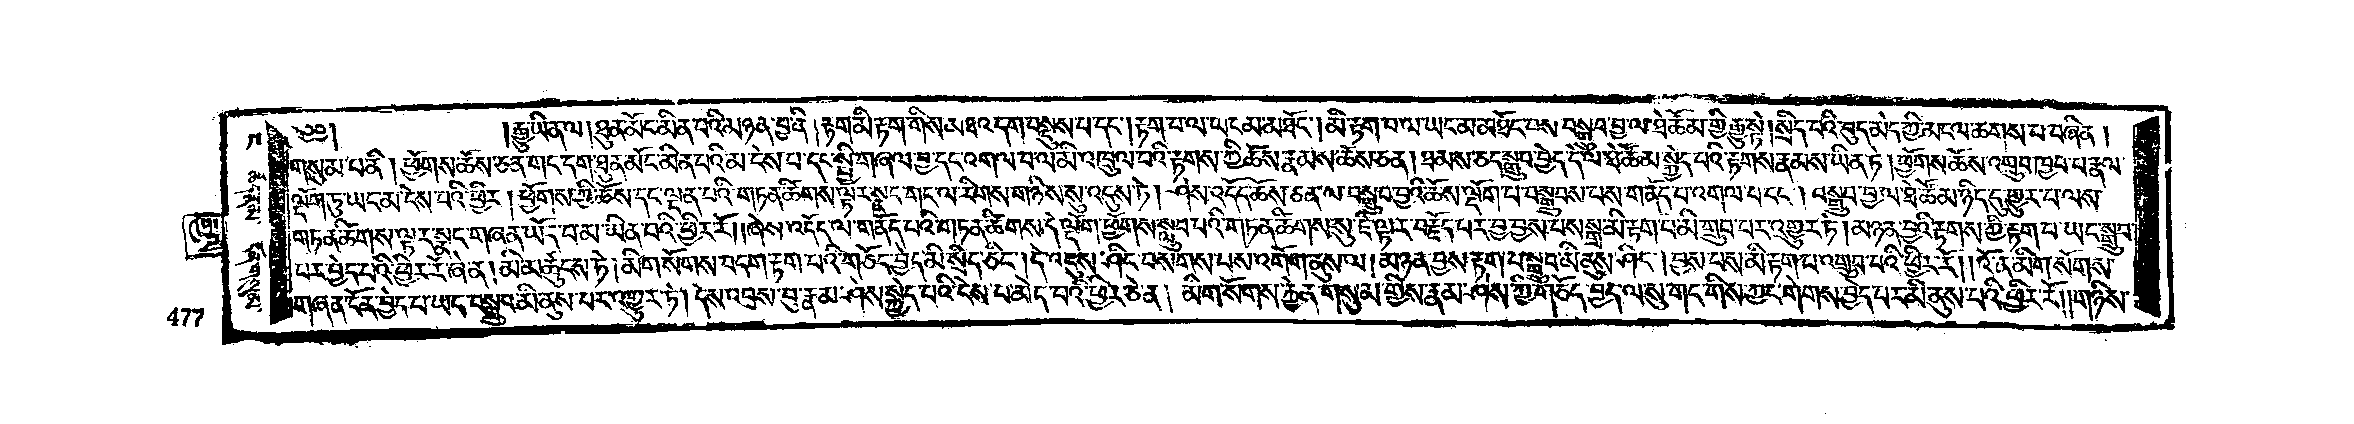༄༅། །རྒྱུ་ཡིན་ལ། ཐུན་མོང་མིན་པའི་མཉན་བྱ་ནི། རྟག་མི་རྟག་གིས་མཐའ་དག་བསྡུས་པ་དང་། རྟག་པ་ལ་ཡང་མ་མཐོང་། མི་རྟག་པ་ལ་ཡང་མ་མཐོང་བས་བསྒྲུབ་བྱ་ལ་ཐེ་ཚོམ་གྱི་རྒྱུ་སྟེ། སྲིད་པའི་བུད་མེད་ཀྱི་མངལ་ཆགས་པ་བཞིན།
གསུམ་པ་ནི། ཕྱོགས་ཆོས་ཅན་གང་དག་ཐུན་མོང་མིན་པའི་མ་ངེས་པ་དང་སྤྱི་གཞལ་བྱ་དང་འགལ་བ་ལ་མི་འཁྲུལ་པའི་རྟགས་ཀྱི་ཆོས་རྣམས་ཆོས་ཅན། ཐམས་ཅད་སྒྲུབ་བྱེད་དེ་ལ་ཐེ་ཚོམ་སྐྱེད་པའི་རྟགས་རྣམས་ཡིན་ཏེ། ཕྱོགས་ཆོས་འགྲུབ་ཁྱབ་པ་རྣལ་
ལྡོག་ཏུ་ཡང་མ་ངེས་པའི་ཕྱིར། ཕྱོགས་ཀྱི་ཆོས་དང་ལྡན་པའི་གཏན་ཚིགས་ལྟར་སྣང་གང་ལ་རིགས་གཉིས་སུ་འདུས་ཏེ། ཤེས་འདོད་ཆོས་ཅན་ལ་བསྒྲུབ་བྱའི་ཆོས་ལྡོག་པ་བསྒྲུབས་པས་གནོད་པ་འགལ་བ་དང་། བསྒྲུབ་བྱ་ལ་ཐེ་ཚོམ་ཉིད་དུ་གྱུར་པ་ལས་
གཏན་ཚིགས་ལྟར་སྣང་གཞན་ཡོད་པ་མ་ཡིན་པའི་ཕྱིར། །ཞེས་འདོད་ལ་གནོད་པའི་གཏན་ཚིགས་དེ་ལྡོག་ཕྱོགས་སླུབ་པའི་གཏན་ཚིགས་སུ་ཇི་ལྟར་བརྗོད་པར་བྱ་བྱས་པས་སྒྲ་མི་རྟག་པ་མི་གྲུབ་པར་འགྱུར་ཏེ། མཉན་བྱའི་རྟགས་ཀྱི་རྟག་པ་ཡང་སྒྲུབ་
པར་བྱེད་པའི་ཕྱིར་ཞེ་ན། མི་མཚུངས་ཏེ། མིག་སོགས་བདག་རྟག་པའི་གཅོད་བྱེད་མི་སྲིད་ཅིང་། དེ་འདུས་ཤིང་བསགས་པས་འགོག་ནུས་ལ། མཉན་བྱས་རྟག་བསྒྲུབ་མི་ནུས་ཤིང་། བྱས་པས་མི་རྟག་པ་འགྲུབ་པའི་ཕྱིར་རོ། །འོ་ན་མིག་སོགས་
གཞན་དོན་བྱེད་པ་ཡང་བསྒྲུབ་མི་ནུས་པར་འགྱུར་ཏེ། དེས་འབྲས་བུ་རྣམ་ཤེས་སྐྱེད་པའི་ངེས་པ་མེད་པའི་ཕྱིར་ཅེ་ན། མིག་སོགས་རྐྱེན་གསུམ་གྱིས་རྣམ་ཤེས་ཀྱི་གཅོད་བྱེད་ལ་སུ་གང་གིས་ཀྱང་གེགས་བྱེད་པར་མི་ནུས་པའི་ཕྱིར་རོ། །གཉིས་